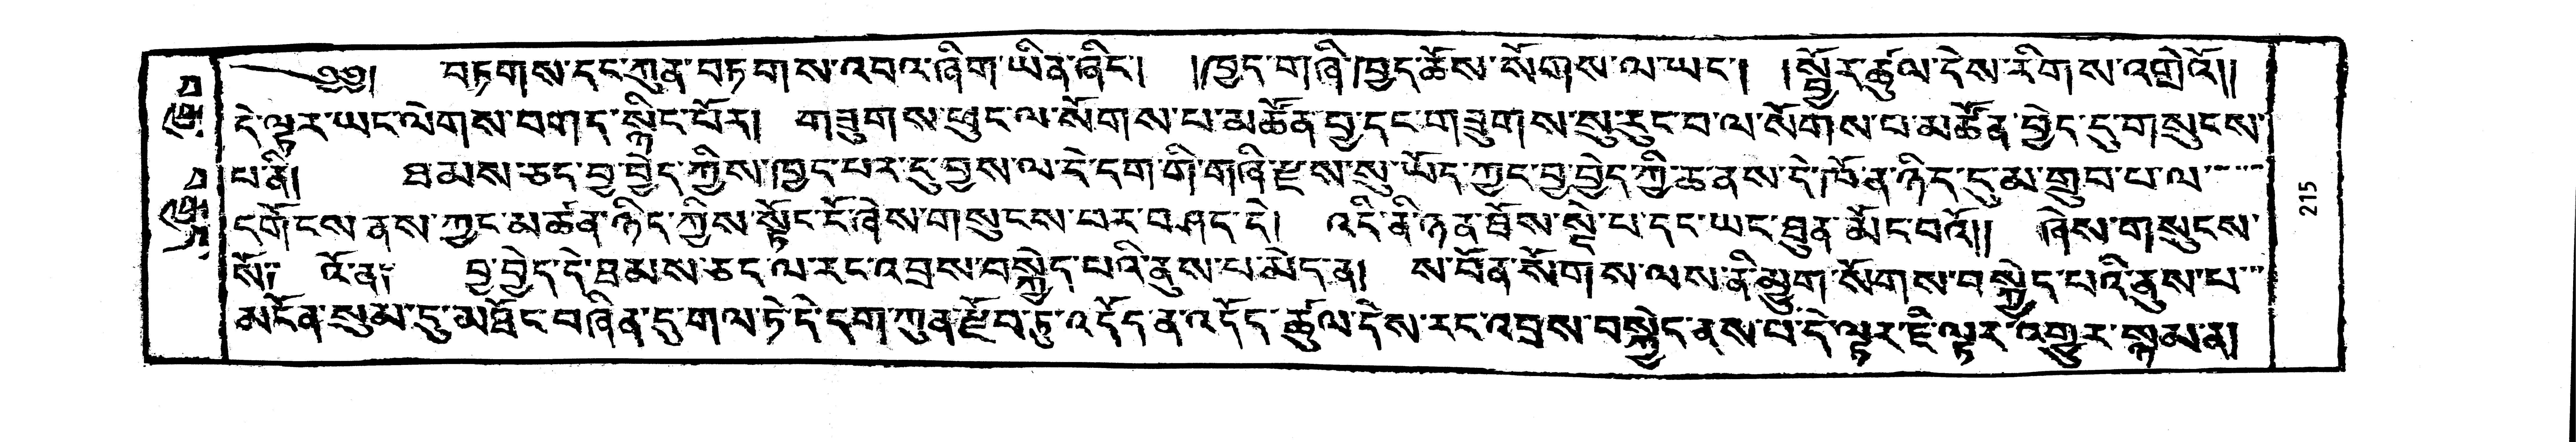༄༅། །བཏགས་དང་ཀུན་བཏགས་འབའ་ཞིག་ཡིན་ཞིང་། །ཁྱད་གཞི་ཁྱད་ཆོས་སོགས་ལ་ཡང་། །སྦྱོར་ཚུལ་དེས་རིགས་འགྲེའོ། །
དེ་ལྟར་ཡང་ལེགས་བཤད་སྙིང་པོར། གཟུགས་ཕུང་ལ་སོགས་པ་མཚོན་བྱ་དང་གཟུགས་སུ་རུང་བ་ལ་སོགས་པ་མཚོན་བྱེད་དུ་གསུངས་
པ་ནི། ཐམས་ཅད་བྱ་བྱེད་ཀྱིས་ཁྱད་པར་དུ་བྱས་ལ་དེ་དག་གི་གཞི་རྫས་སུ་ཡོད་ཀྱང་བྱ་བྱེད་ཀྱི་ཆ་ནས་དེ་ཁོ་ན་ཉིད་དུ་མ་གྲུབ་པ་ལ་
དགོངས་ནས་ཀྱང་མཚན་ཉིད་ཀྱིས་སྟོང་ངོ་ཞེས་གསུངས་པར་བཤད་དེ། འདི་ནི་ཉན་ཐོས་སྡེ་པ་དང་ཡང་ཐུན་མོང་བའོ། ཞེས་གསུངས་
སོ། འོ་ན། བྱ་བྱེད་དེ་ཐམས་ཅད་ལ་རང་འབྲས་བསྐྱེད་པའི་ནུས་པ་མེད་ན། ས་བོན་སོགས་ལས་ནི་མྱུག་སོགས་བསྐྱེད་པའི་ནུས་པ་
མངོན་སུམ་དུ་མཐོང་བཞིན་དུ་གལ་ཏེ་དེ་དག་ཀུན་རྫོབ་ཏུ་འདོད་ན་འདོད་ཚུལ་དེས་རང་འབྲས་བསྐྱེད་ནུས་པ་དེ་ལྟར་ཇི་ལྟར་འགྱུར་སྙམ་ན།